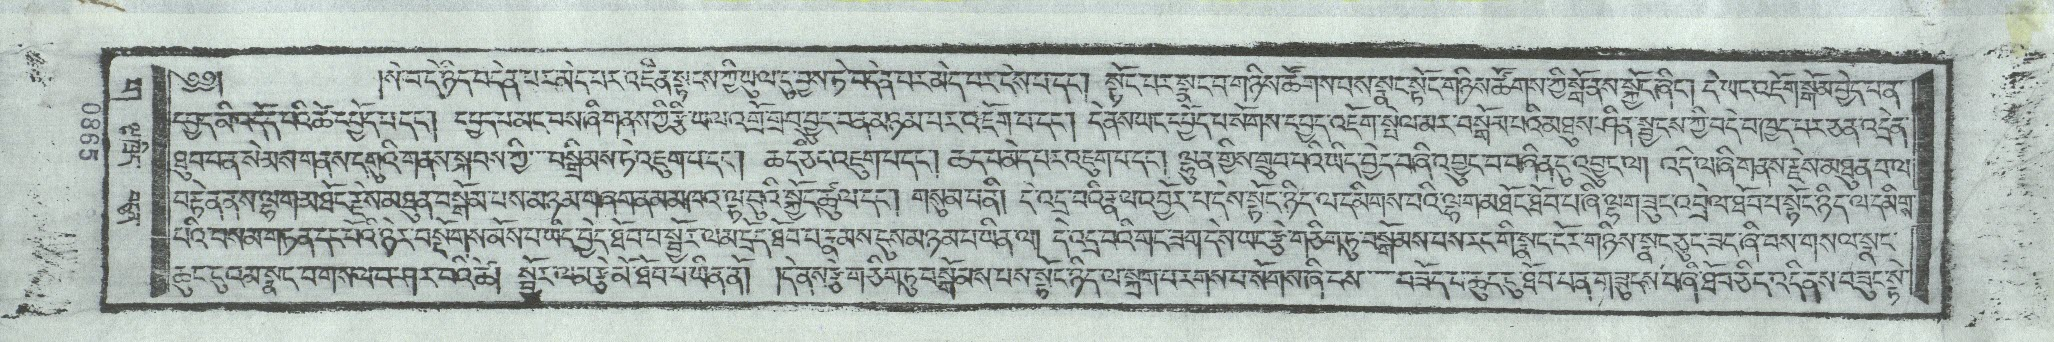༄༅། །སེ་བ་དེ་ཉིད་བདེན་པར་མེད་པར་འཛིན་སྟངས་ཀྱི་ཡུལ་དུ་བྱས་ཏེ་བདེན་པར་མེད་པར་ངེས་པ་དང་། སྟོང་པར་སྣང་བ་གཉིས་ཚོགས་པས་སྣང་སྟོང་གཉིས་ཚོགས་ཀྱི་སྒོ་ནས་སྐྱོང་ཞིང་། དེ་ཡང་འཇོག་སྒོམ་བྱེད་པ་ན་
དཔྱད་མི་འདོད་པའི་ཚེ་དཔྱོད་པ་དང་། དཔྱད་པ་མང་བས་ཞི་གནས་ཀྱི་རྩི་ཡལ་འགྲོ་གྲབ་བྱུང་བ་ན་མཉམ་པར་འཇོག་པ་དང་། དེ་ནས་ཡང་དཔྱོད་པ་སོགས་དཔྱད་འཇོག་སྤེལ་མར་བསྒོམ་པའི་མཐུས་ཤིན་སྦྱངས་ཀྱི་བདེ་བ་ཁྱད་པར་ཅན་འདྲེན་
ཐུབ་པ་ན་སེམས་གནས་དགུའི་གནས་སྐབས་ཀྱི་བསྒྲིམས་ཏེ་འཇུག་པ་དང་། ཆད་ཅིང་འཇུག་པ་དང་། ཆད་པ་མེད་པར་འཇུག་པ་དང་། ལྷུན་གྱིས་གྲུབ་པའི་ཡིད་བྱེད་བཞི་འབྱུང་བ་བཞིན་དུ་འབྱུང་ལ། འདི་ལ་ཞི་གནས་རྗེས་མཐུན་པ་ལ་
བརྟེན་ནས་ལྷག་མཐོང་རྗེས་མཐུན་བསྒོམ་པས་མཉམ་གཞག་ནམ་མཁའ་ལྟ་བུའི་སྐྱོང་ཚུལ་དང་། གསུམ་པ་ནི། དེ་འདྲ་བའི་རྣལ་འབྱོར་པ་དེས་སྟོང་ཉིད་ལ་དམིགས་པའི་ལྷག་མཐོང་ཐོབ་པ་ཞི་ལྷག་ཟུང་འབྲེལ་ཐོབ་པ་སྟོང་ཉིད་ལ་དམིགས་
པའི་བསམ་གཏན་དང་པོའི་ཉེར་བསྡོགས་མོས་པ་ཡིད་བྱེད་ཐོབ་པ་སྦྱོར་ལམ་དྲོད་ཐོབ་པ་རྣམས་དུས་མཉམ་པ་ཡིན་ལ། དེ་འདྲ་བའི་གང་ཟག་དེས་ཡང་རྩེ་གཅིག་ཏུ་བསྒོམས་པས་རང་གི་སྣང་ངོར་གཉིས་སྣང་ཅུང་ཟད་ཞི་བས་གསལ་སྣང་
ཆུང་ངུའམ་སྣང་བ་གསལ་བ་ཤར་བའི་ཚེ། སྦྱོར་ལམ་རྩེ་མོ་ཐོབ་པ་ཡིན་ནོ། །དེ་ནས་རྩེ་གཅིག་ཏུ་བསྒོམས་པས་སྟོང་ཉིད་ལ་སྐྲག་པ་རགས་པ་སོགས་ཞི་བས་བཟོད་པ་ཆུང་ངུ་ཐོབ་པ་ན་གཟུངས་བཞི་ཐོབ་ཅིང་འདི་ནས་བཟུང་སྟེ་